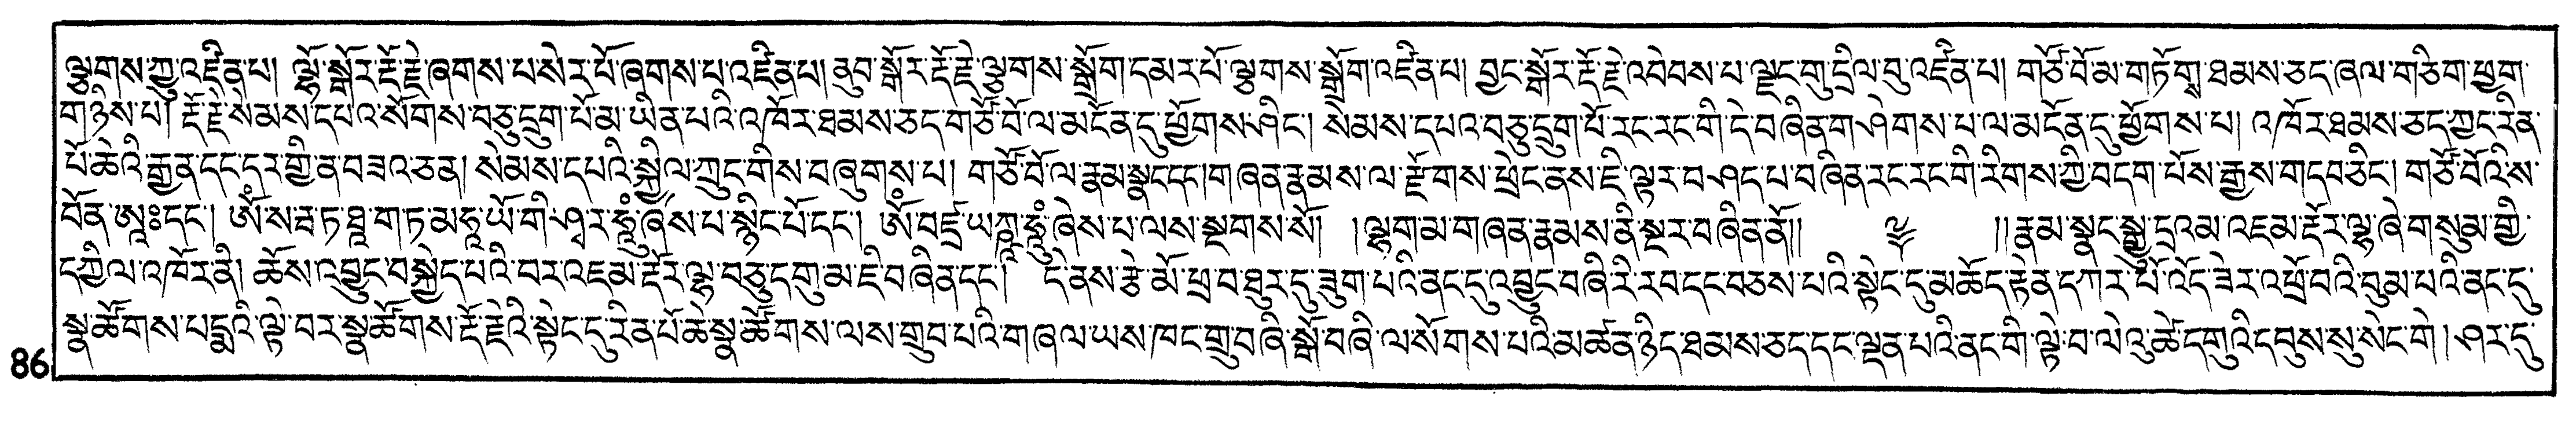ལྕགས་ཀྱུ་འཛིན་པ། ལྷོ་སྒོར་རྡོ་རྗེ་ཞགས་པ་སེར་པོ་ཞགས་པ་འཛིན་པ། ནུབ་སྒོར་རྡོ་རྗེ་ལྕགས་སྒྲོག་དམར་པོ་ལྕགས་སྒྲོག་འཛིན་པ། བྱང་སྒོར་རྡོ་རྗེ་འབེབས་པ་ལྗང་གུ་དྲིལ་བུ་འཛིན་པ། གཙོ་བོ་མ་གཏོགས་ཐམས་ཅད་ཞལ་གཅིག་ཕྱག་
གཉིས་པ། རྡོ་རྗེ་སེམས་དཔའ་སོགས་བཅུ་དྲུག་པོ་མ་ཡིན་པའི་འཁོར་ཐམས་ཅད་གཙོ་བོ་ལ་མངོན་དུ་ཕྱོགས་ཤིང་། སེམས་དཔའ་བཅུ་དྲུག་པོ་རང་རང་གི་དེ་བཞིན་གཤེགས་པ་ལ་མངོན་དུ་ཕྱོགས་པ། འཁོར་ཐམས་ཅད་ཀྱང་རིན་
པོ་ཆེའི་རྒྱན་དང་དར་གྱི་ན་བཟའ་ཅན། སེམས་དཔའི་སྐྱིལ་ཀྲུང་གིས་བཞུགས་པ། གཙོ་བོ་ལ་རྣམ་སྣང་དང་། གཞན་རྣམས་ལ་རྫོགས་ཕྲེང་ནས་ཇི་ལྟར་བཤད་པ་བཞིན་རང་རང་གི་རིགས་ཀྱི་བདག་པོས་རྒྱས་གདབ་ཅིང་། གཙོ་བོའི་ས་
བོན་ཨཱཿ དང་། ཨོཾ་སརྦ་ཏ་ཐཱ་ག་ཏ་མཧཱ་ཡོ་གི་ཤྭ་ར་ཧཱུཾ་ཞེས་པ་སྙིང་པོ་དང་། ཨོཾ་བཛྲ་ཡཀྵཱ་ཧཱུཾ་ཞེས་པ་ལས་སྔགས་སོ། །ལྷག་མ་གཞན་རྣམས་ནི་སྔར་བཞིན་ནོ།། ༈ །།རྣམ་སྣང་སྒྱུ་དྲའམ་འཇམ་རྡོར་ལྷ་ཞེ་གསུམ་གྱི་
དཀྱིལ་འཁོར་ནི། ཆོས་འབྱུང་བསྐྱེད་པའི་བར་འཇམ་རྡོར་ལྷ་བཅུ་དགུ་མ་ཇི་བཞིན་དང་། དེ་ནས་རྩེ་མོ་ཕྲ་བ་ཐུར་དུ་ཟུག་པའི་ནང་དུ་འབྱུང་བཞི་རི་རབ་དང་བཅས་པའི་སྟེང་དུ་མཆོད་རྟེན་དཀར་པོ་འོད་ཟེར་འཕྲོ་བའི་བུམ་པའི་ནང་དུ་
སྣ་ཚོགས་པདམའི་ལྟེ་བར་སྣ་ཚོགས་རྡོ་རྗེའི་སྟེང་དུ་རིན་པོ་ཆེ་སྣ་ཚོགས་ལས་གྲུབ་པའི་གཞལ་ཡས་ཁང་གྲུ་བཞི་སྒོ་བཞི་ལ་སོགས་པའི་མཚན་ཉིད་ཐམས་ཅད་དང་ལྡན་པའི་ནང་གི་ལྟེ་བ་ལེའུ་ཚེ་དགུའི་དབུས་སུ་སེང་གེ །ཤར་དུ་